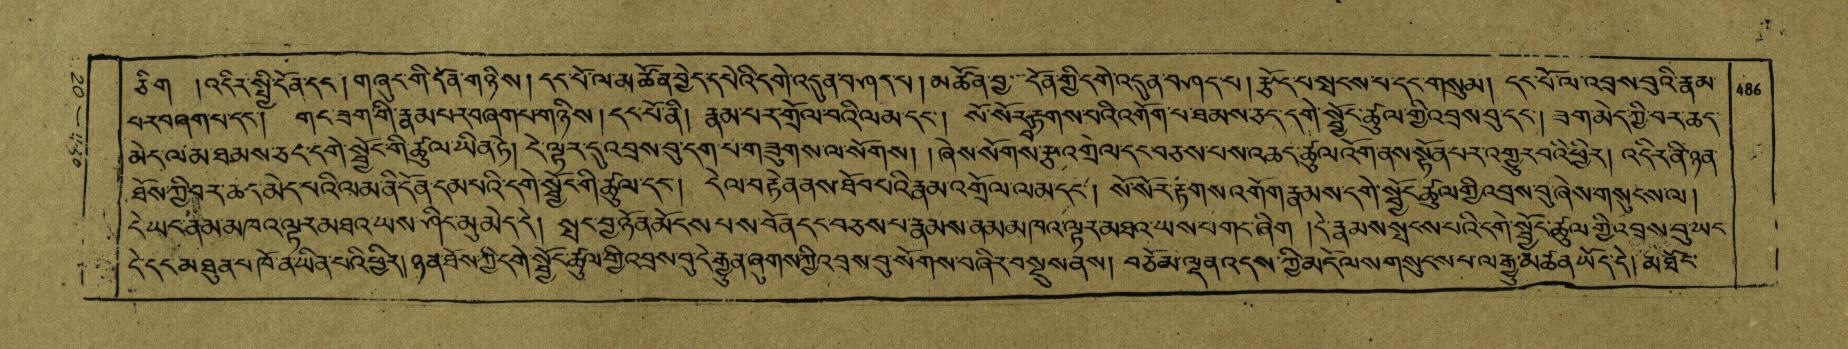ཅིག །འདིར་སྤྱི་དོན་དང་། གཞུང་གི་དོན་གཉིས། དང་པོ་ལ་མཚོན་བྱེད་དཔེའི་དགེ་འདུན་བཤད་པ། མཚོན་བྱ་དོན་གྱི་དགེ་འདུན་བཤད་པ། རྩོད་པ་སྤངས་པ་དང་གསུམ། དང་པོ་ལ་འབྲས་བུའི་རྣམ་
པར་བཞག་པ་དང་། གང་ཟག་གི་རྣམ་པར་བཞག་པ་གཉིས། དང་པོ་ནི། རྣམ་པར་གྲོལ་བའི་ལམ་དང་། སོ་སོར་བརྟགས་པའི་འགོག་པ་ཐམས་ཅད་དགེ་སྦྱོང་ཚུལ་གྱི་འབྲས་བུ་དང་། ཟག་མེད་ཀྱི་བར་ཆད་
མེད་ལམ་ཐམས་ཅད་དགེ་སྦྱོང་གི་ཚུལ་ཡིན་ཏེ། དེ་ལྟར་དུ་འབྲས་བུ་དག་པ་གཟུགས་ལ་སོགས། །ཞེས་སོགས་རྩ་འགྲེལ་དང་བཅས་པས་འཆང་ཚུལ་འོག་ནས་སྟོན་པར་འགྱུར་བའི་ཕྱིར། འདིར་ནི་ཉན་
ཐོས་ཀྱི་བར་ཆད་མེད་པའི་ལམ་ནི་དོན་དམ་པའི་དགེ་སྦྱོང་གི་ཚུལ་དང་། དེ་ལ་བརྟེན་ནས་ཐོབ་པའི་རྣམ་འགྲོལ་ལམ་དང་། སོ་སོར་རྟགས་འགོག་རྣམས་དགེ་སྦྱོང་ཚུལ་གྱི་འབྲས་བུ་ཞེས་གསུངས་ལ།
དེ་ཡང་ནམ་མཁའ་ལྟར་མཐའ་ཡས་ཤིང་མུ་མེད་དེ། སྤང་བྱ་ཉོན་མོངས་པ་ས་བོན་དང་བཅས་པ་རྣམས་ནམ་མཁའ་ལྟར་མཐའ་ཡས་པ་གང་ཞིག །དེ་རྣམས་སྤངས་པའི་དགེ་སྦྱོང་ཚུལ་གྱི་འབྲས་བུ་ཡང་
དེ་དང་མཐུན་པ་ཁོ་ན་ཡིན་པའི་ཕྱིར། ཉན་ཐོས་ཀྱི་དགེ་སྦྱོང་ཚུལ་གྱི་འབྲས་བུ་དེ་རྒྱུན་ཞུགས་ཀྱི་འབྲས་བུ་སོགས་བཞིར་བསྡུས་ནས། བཅོམ་ལྡན་འདས་ཀྱི་མདོ་ལས་གསུངས་པ་ལ་རྒྱུ་མཚན་ཡོད་དེ། མཐོང་